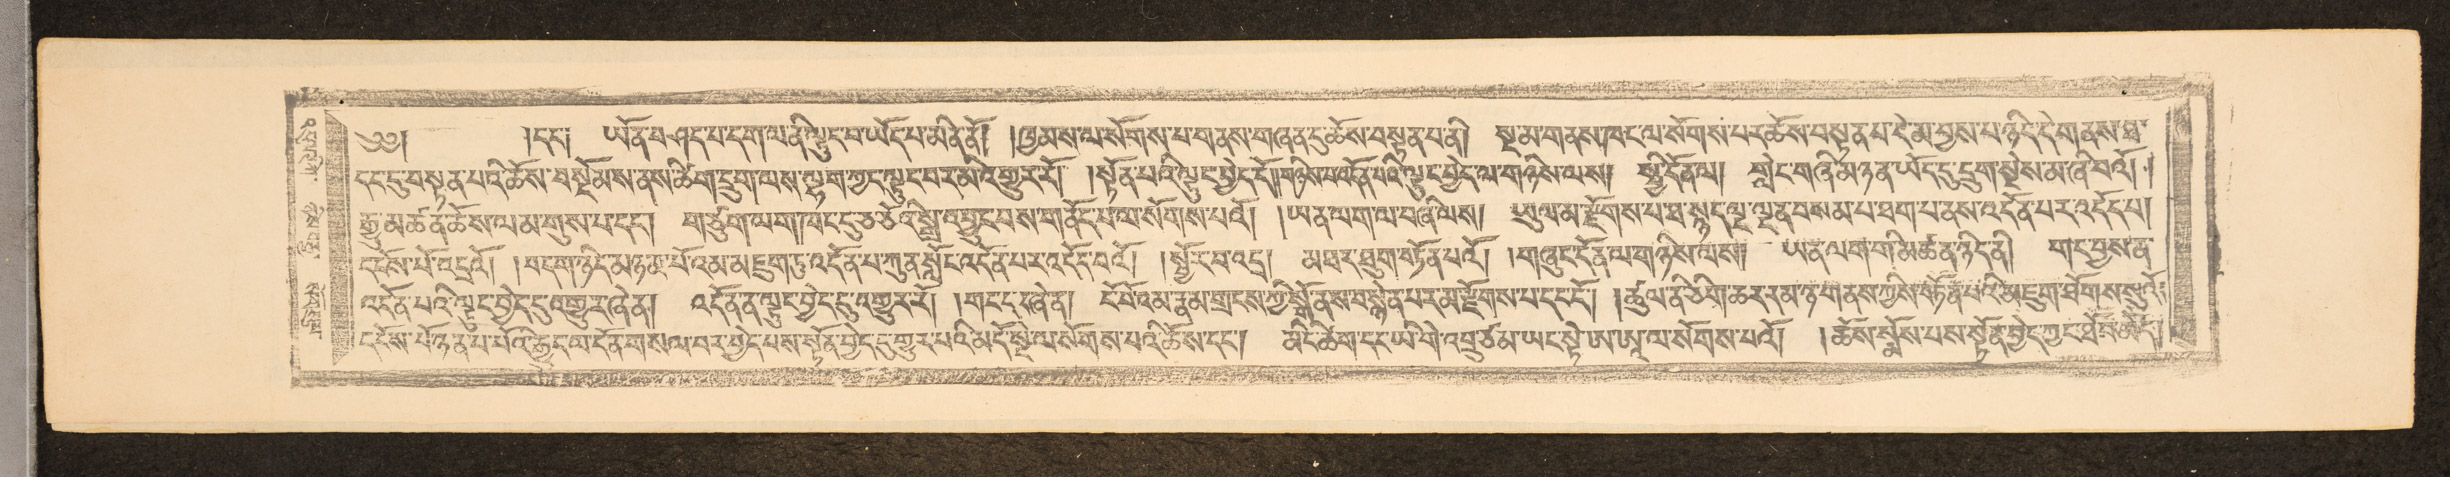༄༅། །དང་། ཡོན་བཤད་བ་དག་ལ་ནི་ལྟུང་བ་ཡོད་པ་མིན་ནོ། །ཁྱམས་ལ་སོགས་པ་གནས་གཞན་དུ་ཆོས་བསྟན་པ་ནི། སྔ་མ་གནས་ཁང་ལ་སོགས་པར་ཆོས་བསྟན་པ་དེ་མ་བྱས་པ་ཉིད་དེ་གནས་ཐ་
དད་དུ་བསྟན་པའི་ཆོས་བསྔོམས་ནས་ཚིག་དྲུག་ལས་ལྷག་ཀྱང་ལྟུང་བར་མི་འགྱུར་རོ། །སྟོན་པའི་ལྟུང་བྱེད་ངོ། །གཉིས་པ་འདོན་པའི་ལྟུང་བྱེད་ལ་གཉིས་ལས། སྤྱི་དོན་ལ། གླེང་གཞི་མཉན་ཡོད་དུ་དྲུག་སྡེས་མ་ཞི་པའོ། །
རྒྱུ་མཚན་ཆོས་ལ་མ་གུས་པ་དང་། གཙུག་ལག་ཁང་དུ་ཅ་ཅོའི་སྒྲ་འབྱུང་བས་གནོད་པ་ལ་སོགས་པའོ། །ཡན་ལག་ལ་བཞི་ལས། ཡུལ་མ་རྫོགས་པ་ཐ་སྙད་ལྔ་ལྡན་བསམ་པ་ཐག་པ་ནས་འདོན་པར་འདོད་པ།
དངོས་པོ་འདྲའོ། །བདག་ཉིད་མཉམ་པོ་འམ་མཇུག་ཏུ་འདོན་བ་ཀུན་སློང་འདོན་པར་འདོད་པའོ། །སྦྱོར་བ་འདྲ། མཐར་ཐུག་བཏོན་པའོ། །གཞུང་དོན་ལ་གཉིས་ལས། ཡན་ལག་གི་མཚན་ཉིད་ནི། གང་བྱས་ན་
འདོན་པའི་ལྟུང་བྱེད་དུ་འགྱུར་ཞེ་ན། འདོན་ན་ལྟུང་བྱེད་དུ་འགྱུར་རོ། །གང་དང་ཞེ་ན། ངོ་བོའམ་རྣམ་གྲངས་ཀྱི་སྒོ་ནས་བསྙེན་པར་མ་རྫོགས་པ་དང་ངོ། །ཚུལ་ནི་ཅིག་ཆར་རམ་ཉེ་གནས་ཀྱིས་བཏོན་པའི་མཇུག་ཐོགས་སུའོ།
དངོས་པོ་ཉན་པ་པོའི་རྒྱུད་ལ་དོན་གསལ་བར་བྱེད་པས་སྟོན་བྱེད་དུ་གྱུར་པའི་མདོ་སྡེལ་སོགས་པའི་ཆོས་དང་། མིང་ཚིག་དང་ཡི་གེ་འབྲུ་ཙམ་ཡང་སྟེ་ཨ་ཨཱ་ལ་སོགས་པའོ། །ཆོས་སྨོས་པས་སྟོན་བྱེད་ཀྱང་ཐོབ་མོད།